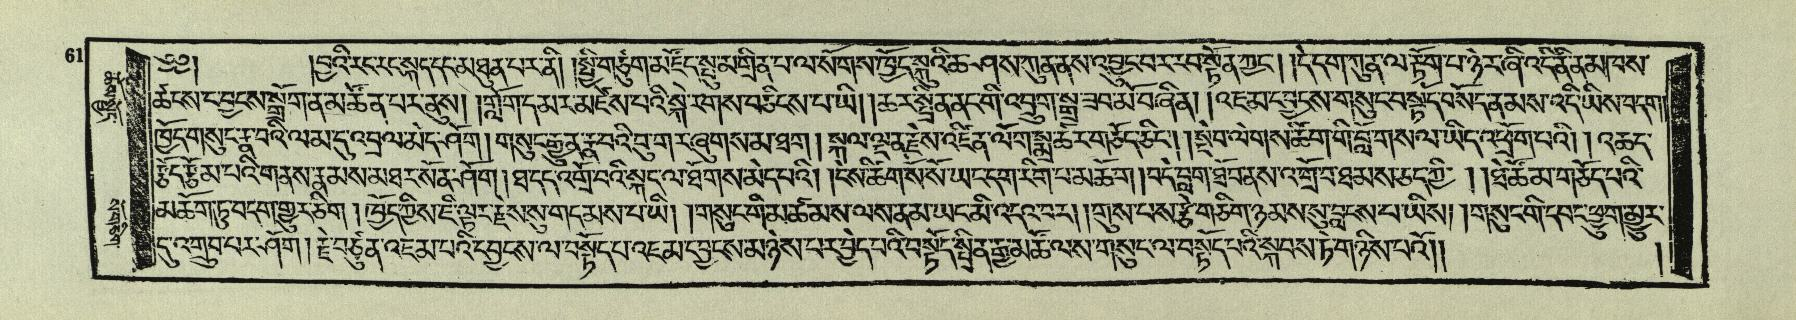༄༅། །བྱའི་རང་རང་སྐད་དང་མཐུན་པར་ནི། །སྤྱི་གཙུག་མཛོད་སྤུ་མགྲིན་པ་ལ་སོགས་ཁྱོད་སྐུའི་ཆ་ཤས་ཀུན་ནས་འབྱུང་བར་རབ་སྟོན་ཀྱང་། །དེ་དག་ཀུན་ལ་རྟོག་པ་ཉེར་ཞི་འདི་ནི་ནམ་མཁས་
ཚངས་དབྱངས?་སྒྲོག་ན་མཚོན་པར་ནུས། །གློག་དམར་མཛེས་པའི་སྐེ་རགས་བཅིངས་པ་ཡི། །ཆར་སྤྲིན་ནང་གི་འབྲུག་སྒྲ་ཟབ་མོ་བཞིན། །འཇམ་དབྱངས་གསུང་བསྟོད་བསོད་ནམས་འདི་ཡིས་བདག།
ཁྱོད་གསུང་རྣ་བའི་ལམ་དུ་འབྲལ་མེད་ཤོག །གསུང་རྒྱུན་རྣ་བའི་བུ་གར་ཞུགས་མ་ཐག །སྐལ་ལྡན་རྗེས་འཛིན་ལོག་སྨྲ་ཚོར་གཅོད་ཅིང་། །སྡེབ་ལེགས་ཚིག་གི་བློ་གསལ་ཡིད་འཕྲོག་པའི། །འཆད་
རྩོད་རྩོམ་པའི་གནས་རྣམས་མཐར་སོན་ཤོག །ཐ་དད་འགྲོ་བའི་སྐད་ལ་ཐོགས་མེད་པའི། །ངེས་ཚིག་སོ་སོ་ཡང་དག་རིག་པ་མཆོག །བདེ་བླག་ཐོབ་ནས་འགྲོ་བ་ཐམས་ཅད་ཀྱི། །ཐེ་ཚོམ་གཅོད་པའི་
མཆོག་ཏུ་བདག་གྱུར་ཅིག །ཁྱོད་ཀྱིས་ཇི་ལྟར་རྗེས་སུ་གདམས་པ་ཡི། །གསུང་གི་མཚམས་ལས་ནམ་ཡང་མི་འདའ་བར། །གུས་པས་རྩེ་གཅིག་ཉམས་སུ་བླངས་པ་ཡིས། །གསུང་གི་དབང་ཕྱུག་མྱུར་
དུ་འགྲུབ་པར་ཤོག །རྗེ་བཙུན་འཇམ་པའི་དབྱངས་ལ་བསྟོད་པ་འཇམ་དབྱངས་མཉེས་པར་བྱེད་པའི་བསྟོད་སྤྲིན་རྒྱ་མཚོ་ལས་གསུང་ལ་བསྟོད་པའི་སྐབས་ཏེ་གཉིས་པའོ།། །།